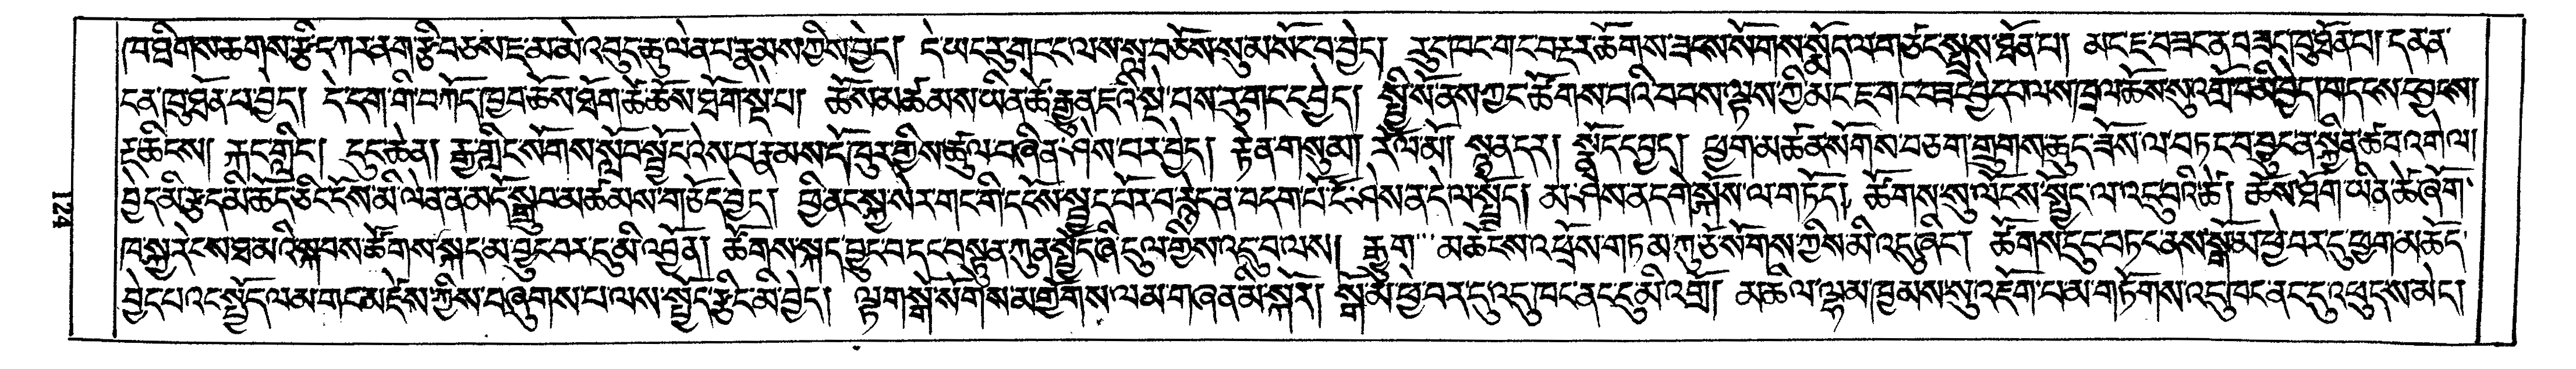ཁ་ཐིགས་ཆགས་རྩི་དཀར་ནག་རྩི་བཅས་ཇ་མ་མེ་འབུད་ཆུ་ལེན་པ་རྣམས་ཀྱིས་བྱེད། དེ་ཡང་རུ་གང་ང་ལས་སླ་བཅོས་སུ་མ་སོང་བ་བྱེད། རུང་ཁང་གང་བརྡར་ཆོགས་ཟངས་སོགས་སྣོད་ལ་གཙང་སྤྲས་ཐོན་པ། མང་ཇ་བཟང་ན་བཟང་ཁུ་ཐོན་པ། ངན་ན་
ངན་ཁུ་ཐོན་པ་བྱེད། དེ་དག་གི་བཀོད་ཁྱབ་ཆོས་ཐོག་ཚེ་ཆོས་ཐོག་སྡེ་པ། ཆོས་མཚམས་ཡིན་ཚེ་རྒྱུན་ཇའི་སྡེ་པས་རུ་གང་ང་བྱེད། སྤྱི་སོ་ནས་ཀྱང་ཚོགས་པའི་བབས་ལྟས་ཀྱི་མང་ཇ་གང་བཟང་བྱེད་པ་ལས་ཁྲལ་ཆོས་སུ་འགྲོ་བ་མི་བྱེད། གདངས་དབྱངས།
རྔ་ཆིངས། རྐང་གླིང་། དུང་ཆེན། རྒྱ་གླིང་སོགས་སློབ་སྦྱོང་འོས་པ་རྣམས་དོ་ཁུར་གྱིས་ཚུལ་བཞིན་ཤེས་པར་བྱེད། རྟེན་གསུམ། རོལ་མོ། སྙན་དར། སྣོད་དཔྱད། ཕྱག་མཚན་སོགས་བཅག་གྲུགས་ཆུད་ཟོས་ལ་བཏང་བ་བྱུང་ན་སྐྱིན་ཚབ་འགེལ།
བྱེད་མི་རྩད་མི་ཆོད་ཅིང་ངོས་མི་ལེན་ན་མདོ་སྒྲབ་མཚམས་གཅོད་བྱེད། ཕྱི་ནང་སྐྱ་སེར་གང་གི་དངོས་སྤྱད་བོར་བརྙེད་ན་བདག་པོ་ངོ་ཤེས་ན་དེ་ལ་སྤྲོད། མ་ཤེས་ན་དགེ་སྐོས་ལ་གཏོད། ཚོགས་སུ་ལོངས་སྤྱོད་ལ་འདུ་བའི་ཚེ། ཆོས་ཐོག་ཡིན་ཚེ་ཞོག་
ཁ་སྐྱ་རེངས་ཐ་མའི་སྐབས་ཚེགས་སྐད་མ་བྱུང་བར་དུ་མི་འབྱོན། ཚོགས་སྐད་བྱུང་བ་དང་བསྟུན་ཀུན་སྤྱོད་ཞི་དུལ་གྱིས་འདུ་བ་ལས། རྒྱུག་མཆོངས་འཕྲོས་གཏམ་ཀུ་ཅོ་སོགས་ཀྱིས་མི་འདུ་ཞིང་། ཚོགས་དུང་བཏང་ནས་སྒོ་མ་ཕྱེ་བར་དུ་ཕྱག་མཆོད་
བྱེད་པའང་སྤྱོད་ལམ་གང་མཛེས་ཀྱིས་བཞུགས་པ་ལས་སྤྱོད་རྩིང་མི་བྱེད། ལྟག་སྒོ་སོགས་མགྱོགས་ལམ་གཞན་མི་སྐོར། སྒོ་མ་ཕྱེ་བར་དུ་འདུ་ཁང་ནང་དུ་མི་འགྲོ། མཆིལ་ལྷམ་ཁྱམས་སུ་འཇོག་པ་མ་གཏོགས་འདུ་ཁང་ནང་དུ་འཕུད་ས་མེད།